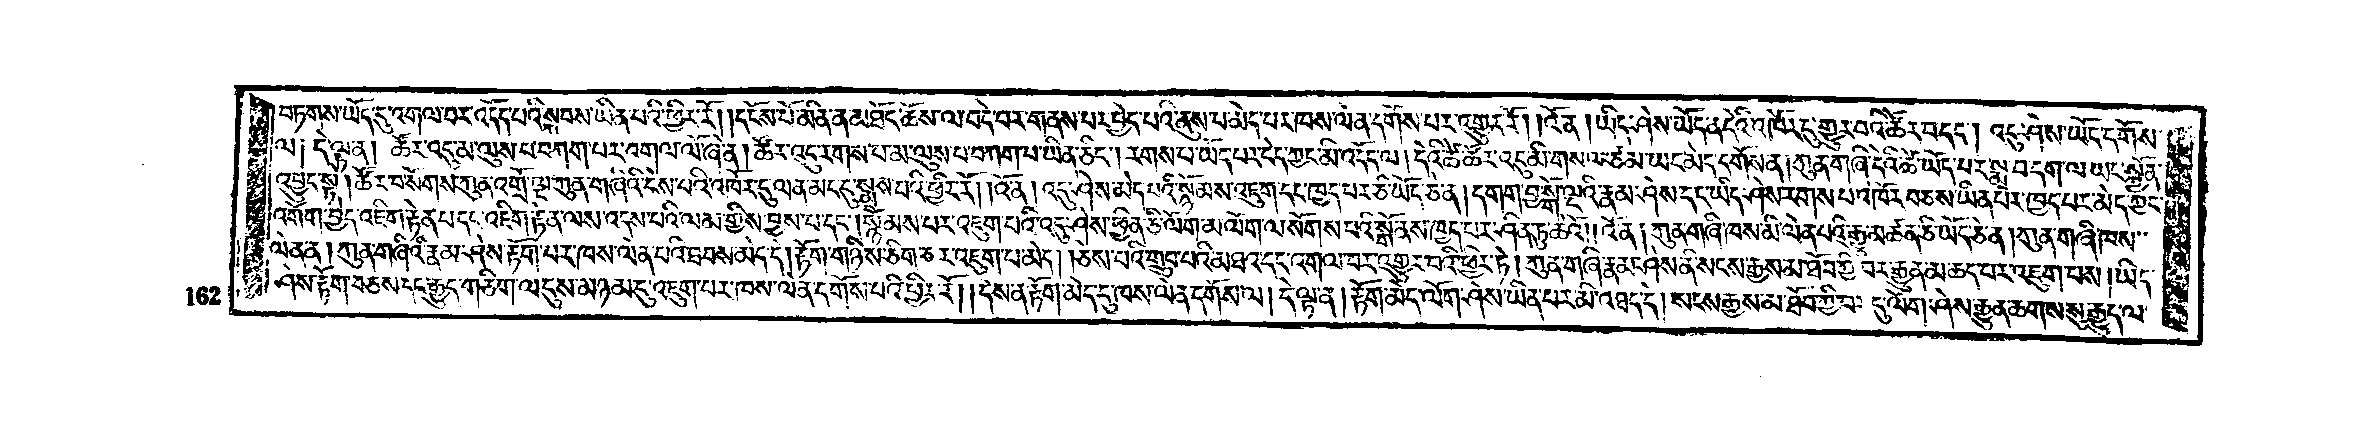བཏགས་ཡོད་དུ་འགལ་བར་འདོད་པའི་སྐབས་ཡིན་པའི་ཕྱིར་རོ། །དངོས་པོ་མིན་ན་མཐོང་ཆོས་ལ་བདེ་བར་གནས་པར་བྱེད་པའི་ནུས་པ་མེད་པར་ཁས་ལེན་དགོས་པར་འགྱུར་རོ། །འོ་ན། ཡིད་ཤེས་ཡོད་ན་དེའི་འཁོར་དུ་གྱུར་པའི་ཚོར་བ་དང་། འདུ་ཤེས་ཡོད་དགོས་
ལ། དེ་ལྟ་ན། ཚོར་འདུ་མ་ལུས་པ་བཀག་པར་འགལ་ལོ་ཞེ་ན། ཚོར་འདུ་རགས་པ་མ་ལུས་པ་བཀག་པ་ཡིན་ཅིང་། རགས་པ་ཡོད་པར་ངེད་ཀྱང་མི་འདོད་ལ། དེའི་ཚེ་ཚོར་འདུ་མི་གསལ་ཙམ་ཡང་མེད་དགོས་ན། ཀུན་གཞི་དེའི་ཚེ་ཡོད་པར་སྨྲ་བ་དག་ལ་ཡང་སྐྱོན་
འབྱུང་སྟེ། ཚོར་བ་སོགས་ཀུན་འགྲོ་ལྔ་ཀུན་གཞིའི་ངེས་པའི་འཁོར་དུ་ལན་མང་དུ་སྨྲས་པའི་ཕྱིར་རོ། །འོ་ན། འདུ་ཤེས་མེད་པའི་སྙོམས་འཇུག་དང་ཁྱད་པར་ཅི་ཡོད་ཅེ་ན། དགག་བྱ་སྒོ་ལྔའི་རྣམ་ཤེས་དང་ཡིད་ཤེས་རགས་པ་འཁོར་བཅས་ཡིན་པར་ཁྱད་པར་མེད་ཀྱང་
འགོག་བྱེད་འཇིག་རྟེན་པ་དང་འཇིག་རྟེན་ལས་འདས་པའི་ལམ་གྱིས་བྱས་པ་དང་། སྙོམས་པར་འཇུག་པའི་འདུ་ཤེས་ཕྱིན་ཅི་ལོག་མ་ལོག་ལ་སོགས་པའི་སྒོ་ནས་ཁྱད་པར་ཤིན་ཏུ་ཆེའོ། །འོ་ན། ཀུན་གཞིའི་ཁས་མི་ལེན་པའི་རྒྱུ་མཚན་ཅི་ཡོད་ཅེ་ན། ཀུན་གཞི་ཁས་
ལེན་ན། ཀུན་གཞིའི་རྣམ་ཤེས་རྟོག་པར་ཁས་ལེན་པའི་ཐབས་མེད་དེ། རྟོག་གཉིས་ཅིག་ཅར་འཇུག་པ་མེད། །ཅེས་པའི་གྲུབ་པའི་མཐའ་དང་འགལ་བར་འགྱུར་བའི་ཕྱིར་ཏེ། ཀུན་གཞི་རྣམ་ཤེས་ནི་སངས་རྒྱས་མ་ཐོབ་ཀྱི་བར་རྒྱུན་མ་ཆད་པར་འཇུག་པས། ཡིད་
ཤེས་རྟོག་བཅས་དང་རྒྱུད་གཅིག་ལ་དུས་མཉམ་དུ་འཇུག་པར་ཁས་ལེན་དགོས་པའི་ཕྱིར་རོ། །དེས་ན་རྟོག་མེད་དུ་ཁས་ལེན་དགོས་ལ། དེ་ལྟ་ན། རྟོག་མེད་ལོག་ཤེས་ཡིན་པར་མི་འཐད་དེ། སངས་རྒྱས་མ་ཐོབ་ཀྱི་བར་དུ་ལོག་ཤེས་རྒྱུན་ཆགས་སུ་རྒྱུད་ལ་